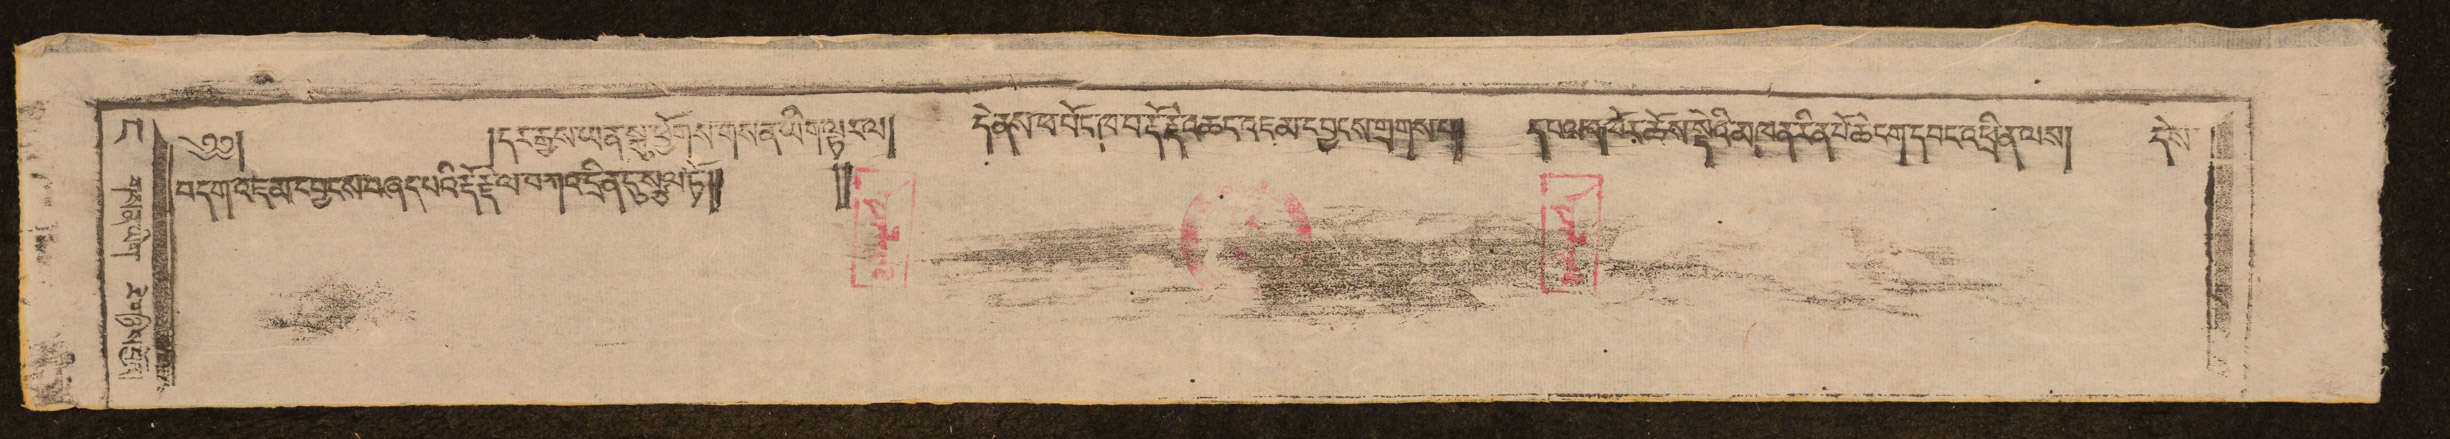༄༅། །དར་རྒྱས་ཡན་སྐུ་ཕྱོགས་གསན་ཡིག་ལྟར་ལ། དེ་ནས་ཕ་བོད་ཁ་བ་རྡོ་རྗེ་འཆང་འཇམ་དབྱངས་གྲགས་པ། དཔལ་འཁོར་ཆོས་སྡེའི་མཁན་རིན་པོ་ཆེ་དག་དབང་འཕྲིན་ལས། དེས་
བདག་འཇམ་དབྱངས་བཞད་པའི་རྡོ་རྗེ་ལ་བཀའ་དྲིན་དུ་སྩལ་ཏོ།། །།